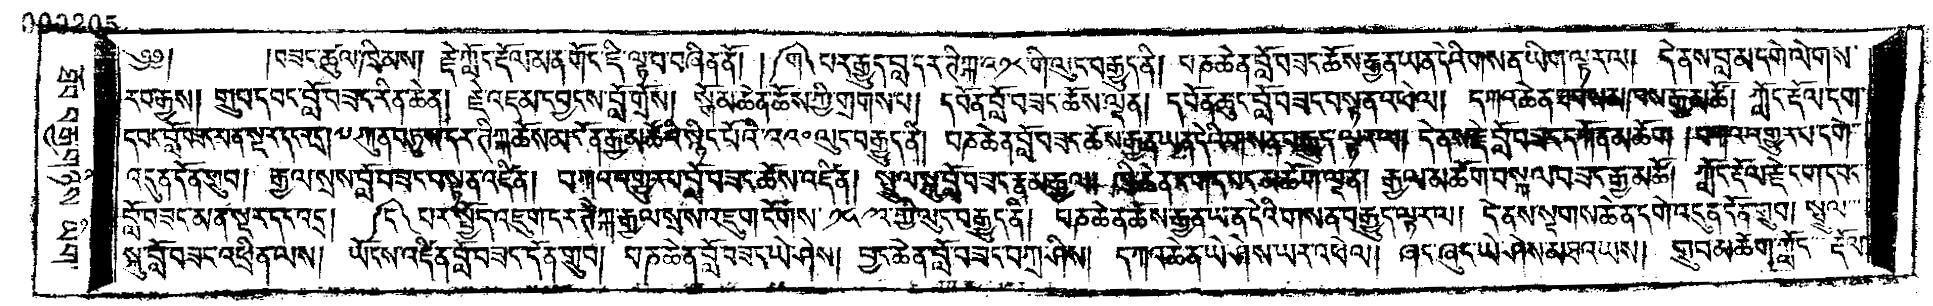༄༅། །བཟང་ཚུལ་ཁྲིམས། རྗེ་ཀློང་རྡོལ་མན་གོང་ཇི་ལྟ་བ་བཞིན་ནོ། །༼ག༽ པར་རྒྱུད་བླ་དར་ཊིཀྐ ༢༡༨་གི་ལུང་བརྒྱུད་ནི། པཎ་ཆེན་བློ་བཟང་ཆོས་རྒྱན་ཡན་དེའི་གསན་ཡིག་ལྟར་ལ། དེ་ནས་བླ་མ་དགེ་ལེགས་
རབ་རྒྱས། གྲུབ་དབང་བློ་བཟང་རིན་ཆེན། རྗེ་འཇམ་དབྱངས་བློ་གྲོས། སྒོམ་ཆེན་ཆོས་ཀྱི་གྲགས་པ། དཔོན་བློ་བཟང་ཆོས་ལྡན། དཔོན་ཆུང་བློ་བཟང་བསྟན་འཕེལ། དཀའ་ཆེན་ཐབས་མཁས་རྒྱ་མཚོ། ཀློང་རྡོལ་ངག་
དབང་བློ་བཟང་མན་སྔར་དང་འདྲ། ༧་ཀུན་བཏུས་དར་ཊིཀྐ་ཆོས་མངོན་རྒྱ་མཚོའི་སྙིང་པོའི ༢༢༠་ལུང་བརྒྱུད་ནི། པཎ་ཆེན་བློ་བཟང་ཆོས་རྒྱན་ཡན་དེའི་གསན་བརྒྱུད་ལྟར་ལ། དེ་ནས་རྗེ་བློ་བཟང་དཀོན་མཆོག །བཀའ་འགྱུར་པ་དགེ་
འདུན་དོན་གྲུབ། རྒྱལ་སྲས་བློ་བཟང་བསྟན་འཛིན། བཀའ་འགྱུར་པ་བློ་བཟང་ཆོས་འཛིན། སྤྲུལ་སྐུ་བློ་བཟང་རྣམ་རྒྱལ། ཁྲི་ཆེན་ངག་དབང་མཆོག་ལྡན། རྒྱལ་མཆོག་བསྐལ་བཟང་རྒྱ་མཚོ། ཀློང་རྡོལ་རྗེ་ངག་དབང་
བློ་བཟང་མན་སྔར་དང་འདྲ། ༼ང༽ པར་སྤྱོད་འཇུག་དར་ཊིཀྐ་རྒྱལ་སྲས་འཇུག་ངོགས ༡༦༣་ཀྱི་ལུང་བརྒྱུད་ནི། པཎ་ཆེན་ཆོས་རྒྱན་ཡན་དེའི་གསན་བརྒྱུད་ལྟར་ལ། དེ་ནས་སྔགས་ཆེན་དགེ་འདུན་དོན་གྲུབ། སྤྲུལ་
སྐུ་བློ་བཟང་འཕྲིན་ལས། ཡོངས་འཛིན་བློ་བཟང་དོན་གྲུབ། པཎ་ཆེན་བློ་བཟང་ཡེ་ཤེས། བྱང་ཆེན་བློ་བཟང་བཀྲ་ཤིས། དཀའ་ཆེན་ཡེ་ཤེས་ཡར་འཕེལ། ཞང་ཞུང་ཡེ་ཤེས་མཐའ་ཡས། གྲུབ་མཆོག་ཀློང་རྡོལ་